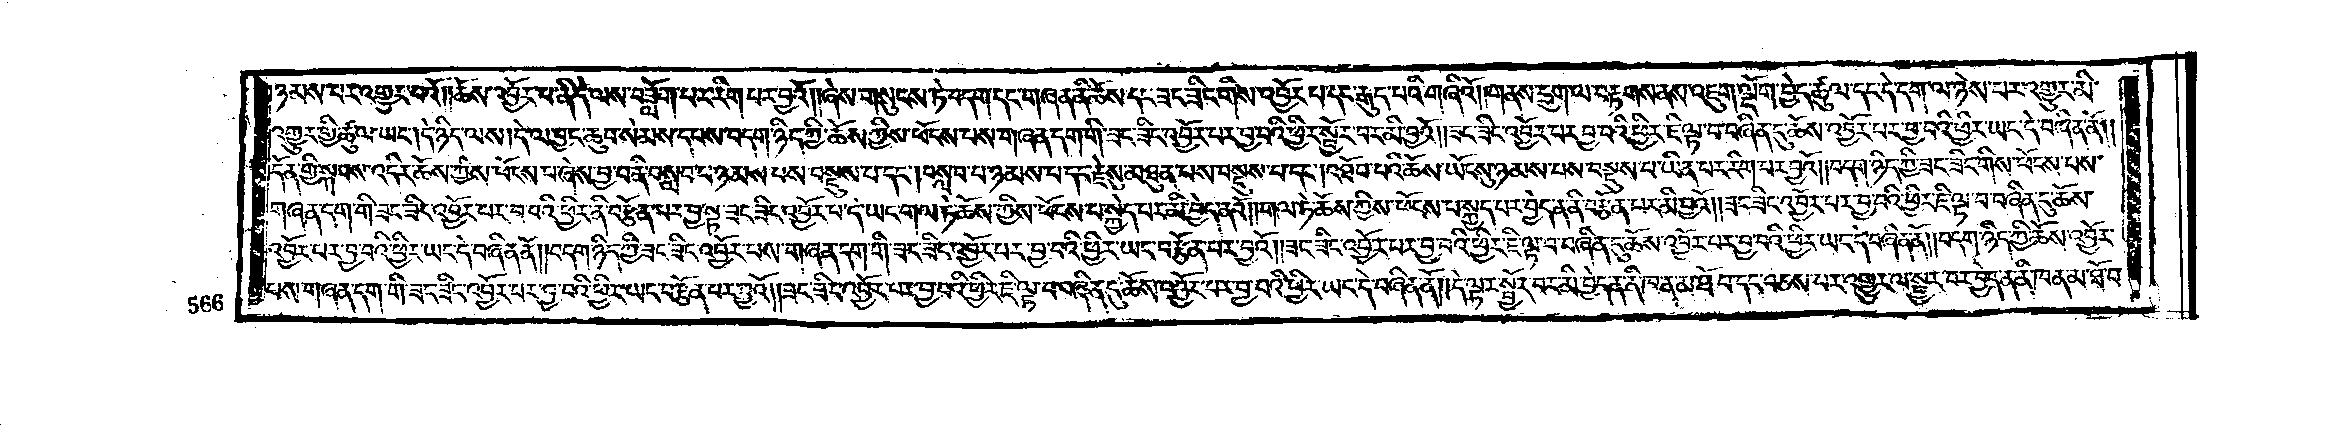ཉམས་པར་འགྱུར་པའོ། །ཆོས་འབྱོར་པ་ནི་དེ་ལས་བཟློག་པར་རིག་པར་བྱའོ། །ཞེས་གསུངས་ཏེ་བདག་དང་གཞན་ནི་ཆོས་དང་ཟང་ཟིང་གིས་འབྱོར་པ་དང་རྒུད་པའི་གཞིའོ། །གནས་དྲུག་ལ་བརྟགས་ནས་འཇུག་ལྡོག་བྱེད་ཚུལ་དང་དེ་དག་ལ་ཉེས་པར་འགྱུར་མི་
འགྱུར་གྱི་ཚུལ་ཡང་།དེ་ཉིད་ལས། དེ་ལ་བྱང་ཆུབ་སེམས་དཔས་བདག་ཉིད་ཀྱི་ཆོས་ཀྱིས་ཕོངས་པས་གཞན་དག་གི་ཟང་ཟིང་འབྱོར་པར་བྱ་བའི་ཕྱིར་སྦྱོར་བར་མི་བྱའོ། །ཟང་ཟིང་འབྱོར་པར་བྱ་བའི་ཕྱིར་ཇི་ལྟ་བ་བཞིན་དུ་ཆོས་འབྱོར་པར་བྱ་བའི་ཕྱིར་ཡང་དེ་བཞིན་ནོ། །
དོན་གྱི་སྐབས་འདིར་ཆོས་ཀྱིས་ཕོངས་པ་ཞེས་བྱ་བ་ནི་བསླབ་པ་ཉམས་པས་བསྡུས་པ་དང་། བསླབ་པ་ཉམས་པ་དང་རྗེས་སུ་མཐུན་པས་བསྡུས་པ་དང་། འཐོབ་པའི་ཆོས་ཡོངས་སུ་ཉམས་པས་བསྡུས་པ་ཡིན་པར་རིག་པར་བྱའོ། །བདག་ཉིད་ཀྱི་ཟང་ཟིང་གིས་ཕོངས་པས་
གཞན་དག་གི་ཟང་ཟིང་འབྱོར་པར་བ་བའི་ཕྱིར་ནི་བརྩོན་པར་བྱ་སྟེ་ཟང་ཟིང་འབྱོར་པ་དེ་ཡང་གལ་ཏེ་ཆོས་ཀྱིས་ཕོངས་པ་སྐྱེད་པར་མི་བྱེད་ནའོ། །གལ་ཏེ་ཆོས་ཀྱིས་ཕོངས་པ་སྐྱད་པར་བྱེད་ན་ནི་བརྩོན་པར་མི་བྱའོ། །ཟང་ཟིང་འབྱོར་པར་བྱ་བའི་ཕྱིར་ཇི་ལྟ་བ་བཞིན་དུ་ཆོས་
འབྱོར་པར་བྱ་བའི་ཕྱིར་ཡང་དེ་བཞིན་ནོ། །བདག་ཉིད་ཀྱི་ཟང་ཟིང་འབྱོར་པས་གཞན་དག་གི་ཟང་ཟིང་འབྱོར་པར་བྱ་བའི་ཕྱིར་ཡང་བརྩོན་པར་བྱའོ། །ཟང་ཟིང་འབྱོར་པར་བྱ་བའི་ཕྱིར་ཇི་ལྟ་བ་བཞིན་དུ་ཆོས་འབྱོར་པར་བྱ་བའི་ཕྱིར་ཡང་དེ་བཞིན་ནོ། །བདག་ཉིད་ཀྱི་ཆོས་འབྱོར་
པས་གཞན་དག་གི་ཟང་ཟིང་འབྱོར་པར་བྱ་བའི་ཕྱིར་ཡང་བརྩོན་པར་བྱའོ། །ཟང་ཟིང་འབྱོར་པར་བྱ་པའི་ཕྱིར་ཇི་ལྟ་བ་བཞིན་དུ་ཆོས་འབྱོར་པར་བྱ་བའི་ཕྱིར་ཡང་དེ་བཞིན་ནོ། །དེ་ལྟར་སྦྱོར་བར་མི་བྱེད་ན་ནི་ཁ་ན་མ་ཐོབ་དང་བཅས་པར་འགྱུར་ལ་སྦྱར་བར་བྱེད་ན་ནི་ཁ་ན་མ་ཐོ་བ་